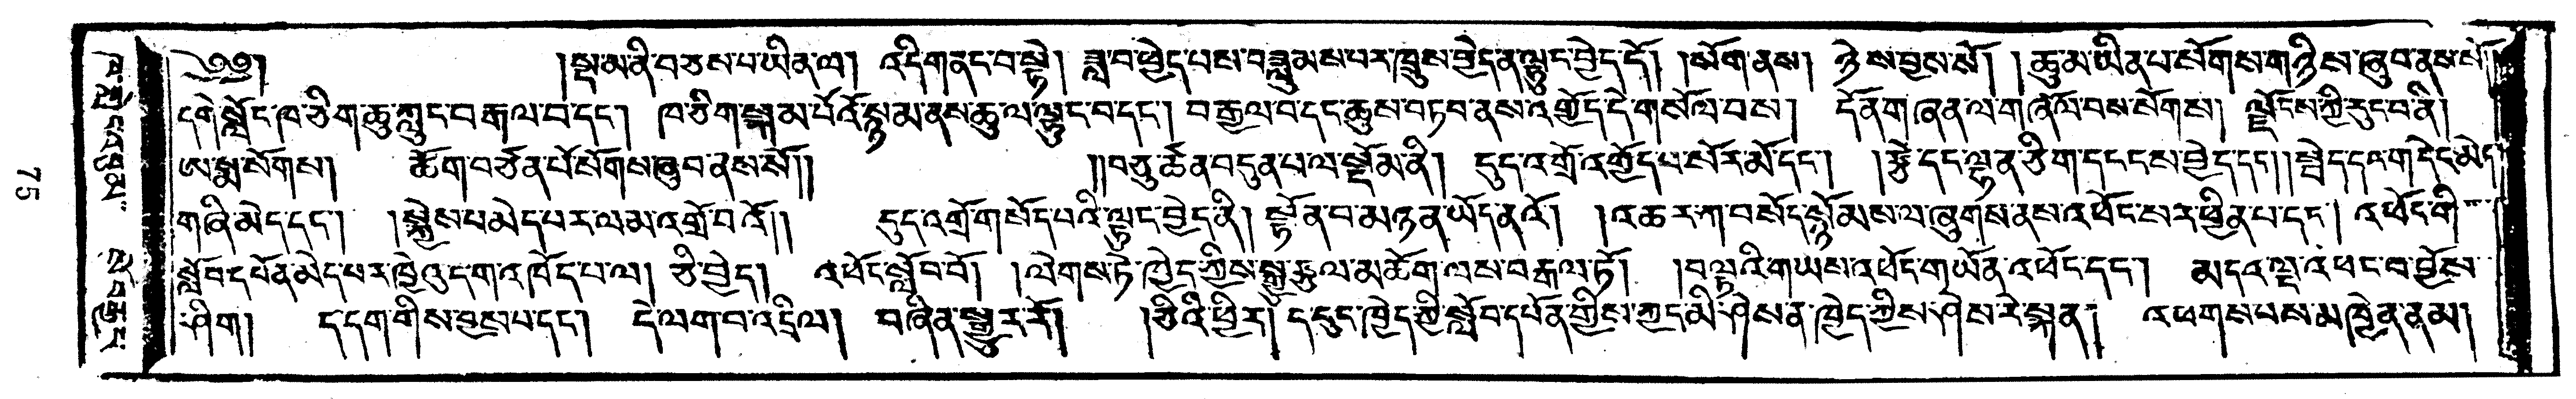༄༅། །སྔ་མ་ནི་བཅས་པ་ཡིན་ལ། འདི་གནང་བ་སྟེ། ཟླ་བ་ཕྱེད་པས་བཟླུམས་པར་ཁྲུས་བྱེད་ན་ལྟུང་བྱེད་དོ། །སོག་ནས། ཉེས་བྱས་སོ། །ཆུ་མ་ཡིན་པ་སོགས་གཉིས་ཞུབ་ནས་སོ།
དགེ་སློང་ཁ་ཅིག་ཆུ་ཀླུང་བརྒལ་བ་དང་། ཁ་ཅིག་སྐམ་པོའོ་སྙམ་ནས་ཆུ་ལ་ལྟུང་བ་དང་། བརྒྱལ་བ་དང་ཆུས་བཏབ་ནས་འགྱོད་དེ་གསོལ་བས། དོན་གཞན་ལ་གཞོལ་བས་སོགས། ལྗོངས་ཀྱི་རུང་བ་ནི།
ཨ་སྨ་སོགས། ཆོག་བཙན་པོ་སོགས་ཞུ་བ་ནས་སོ།། །།བཅུ་ཚན་བདུན་པ་ལ་སྡོམ་ནི། དུད་འགྲོ་འགྱོད་པ་སོར་མོ་དང་། །རྩེ་དང་ལྷན་ཅིག་དངངས་བྱེད་དང་། །སྦེད་དང་གདེང་མེད་
གཞི་མེད་དང་། །སྐྱེས་པ་མེད་པར་ལམ་འགྲོ་བའོ། །དུད་འགྲོ་གསོད་པའི་ལྟུང་བྱེད་ནི། སྟོན་པ་མཉན་ཡོད་ནའོ། །འཆར་ཀ་བསོད་སྙོམས་ལ་ཞུགས་ནས་འཕོང་སར་ཕྱིན་པ་དང་། འཕོང་གི་
སློབ་དཔོན་མེད་པར་ཁྱེའུ་དག་འཁོད་པ་ལ། ཅི་བྱེད། འཕོང་སློབ་བོ། །ལེགས་ཏེ་ཁྱེད་ཀྱིས་སྒྱུ་རྩལ་མཆོག་ལས་བརྒལ་ཏོ། །བལྟའི་གཡས་འཕོང་གཡོན་འཕོང་དང་། མདའ་ལྔ་འཕང་བ་བྱོས་
ཤིག། ད་དག་གིས་བྱས་པ་དང་། དེ་ལག་བ་འདྲིལ། བཞིན་སྒྱུར་རོ། །ཅིའི་ཕྱིར། ད་དུང་ཁྱེད་ཀྱི་སློབ་དཔོན་གྱིས་ཀྱང་མི་ཤེས་ན་ཁྱེད་ཀྱིས་ཤེས་རེ་སྐན། འཕགས་པས་མཁྱེན་ནམ།